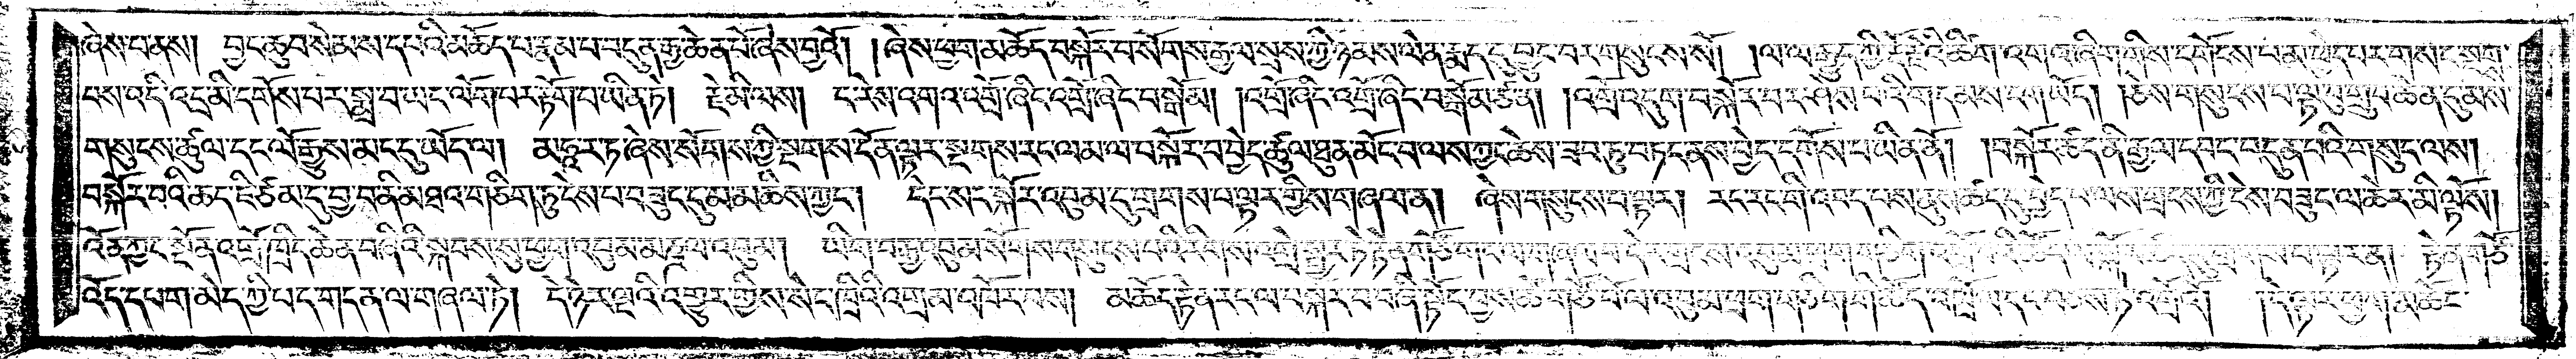ཞེས་བ་ནས། བྱང་ཆུབ་སེམས་དཔའི་མཆོད་པ་རྣམ་པ་བདུན་རྒྱ་ཆེན་པོ་ཞེས་བྱའོ། །ཞེས་ཕྱག་མཆོད་བསྐོར་བ་སོགས་རྒྱལ་སྲས་ཀྱི་ཉམས་ལེན་རྨད་དུ་བྱུང་བར་གསུངས་སོ། །ལ་ལ་རྒྱུད་ཀྱི་རྡོ་རྗེའི་ཚིག་འགའ་ཞིག་གིས་དགོངས་ཕ་མ་ཕྱེད་པར་གསང་སྔགས་
བས་འདི་འདྲ་མི་དགོས་པར་སྨྲ་བ་ཡང་ལོག་པར་རྟོག་པ་ཡིན་ཏེ། རྗེ་མི་ལས། ང་རེས་འགའ་འགྲོ་ཞིང་འགྲོ་ཞིང་བསྒོམ། །འགྲོ་ཞིང་འགྲོ་ཞིང་བསྒོམ་ཙ་ན། །འགྲོ་འདུག་བསྐོར་བར་ཤེས་པའི་གདམས་ངག་ཡོད། །ཅེས་གསུངས་པ་ལྟ་བུ་གྲུབ་ཆེན་དུ་མས་
གསུངས་ཚུལ་དང་ལོ་རྒྱུས་མང་དུ་ཡོད་ལ། མྷཱ་ར་ཏ་ཞེས་སོགས་ཀྱི་སྔགས་དོན་ལྟར་སྔགས་རང་ལམ་ལ་བསྐོར་བ་བྱེད་ཚུལ་ཐུན་མོང་བ་ལས་ཀྱང་ཆེས་ཟབ་ཏུ་བཏང་ནས་བྱེད་དགོས་པ་ཡིན་ནོ། །བསྐོར་ཚད་ནི་རྒྱལ་དབང་བདུན་བའི་གསུང་ལས།
བསྐོར་བའི་ཆད་ཇི་ཙམ་དུ་བྱ་བ་ནི་མཐའ་གཅིག་ཏུ་ངེས་པ་བཟུང་དུ་མ་མཆིས་ཀྱང་། དེང་སང་སྐོར་འབུམ་དུ་གྲགས་པ་ལྟར་གྱིས་གཞལ་ན། ཞེས་གསུངས་པ་ལྟར། རང་རང་གི་འབད་པས་ནུས་ཚད་དུ་བྱེད་པ་ལས་གྲངས་ཀྱི་ངེས་བཟུང་ལ་ཆེར་མི་ལྟོས།
འོན་ཀྱང་སྔོན་འགྲོ་ཁྲིད་ཆེན་བཞིའི་སྐབས་སུ་ཕྱག་འབུམ་མཎྜལ་འབུམ། ཡིག་བརྒྱ་འབུམ་སོགས་གསུངས་པའི་རིགས་འགྲེ་སྦྱར་ཏེ་རྟེན་གཙོ་གང་ལ་གཞལ་བ་དེར་གྲངས་འབུམ་ཕྲག་གཅིག་འགྲོ་བའི་ཚོད་ལ་སྐོར་ཚད་དུ་གྲགས་པ་ལྟར་ན། རྟེན་གཙོ་
འོད་དཔག་མེད་ཀྱི་བད་གདན་ལ་གཞལ་ཏེ། དེ་ཉེར་ལྔའི་འགྱུར་གྱིས་སེང་ཁྲིའི་འགྲམ་འཁོར་བས། མཆོད་རྟེན་རང་ལ་བསྐོར་བ་བཞི་སྟོང་བྱས་ཚེ་གཙོ་བོ་ལ་འབུམ་ཕྲག་གཅིག་གི་ཚོད་འཁྲོལ་དང་བཅས་ཏེ་འགྲོའོ། །དེ་ལྟར་ཕྱག་མཆོད་